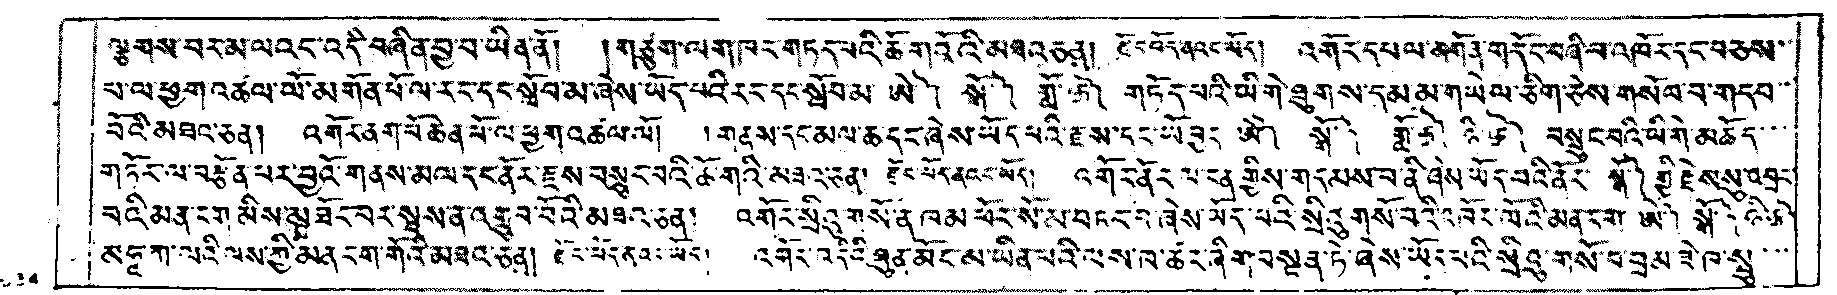ལྕགས་བར་མ་ལའང་འདི་བཞིན་བྱ་བ་ཡིན་ནོ། །གཙུག་ལག་ཁང་གཏད་པའི་ཆོ་གའོའི་མཐའ་ཅན། རྫོང་པོད་ནའང་ཡོད།  འགོར་དཔལ་མགོན་གདོང་བཞི་པ་འཁོར་དང་བཅས་
པ་ལ་ཕྱག་འཚལ་ལོ་མགོན་པོ་ལ་རང་དང་སློབ་མ་ཞེས་ཡོད་པའི་རང་དང་སློབ་མ་ཨ྄ེ་སྒ྄ོ་གློ~྾?་གཏོད་པའི་ཡི་གེ་ཐུགས་དམ་མ་གཡེལ་ཅིག་ཅེས་གསོལ་བ་གདབ་
པོའི་མཐའ་ཅན། འགོར་ནག་པོ་ཆེན་པོ་ལ་ཕྱག་འཚལ་ལོ། །གནས་དང་མལ་ཆ་དང་ཞེས་ཡོད་པའི་རྫས་དང་ཡོ་བྱད་ཨ྄ེ་སྒ྄ོ་གློ~྾?་ཉི~྾?་བསྲུང་བའི་ཡི་གེ་མཆོད་
གཏོར་ལ་བརྩོན་པར་བྱའོ་གནས་མལ་དང་ནོར་རྫས་བསྲུང་བའི་ཆོ་གའི་མཐའ་ཅན། རྫོང་པོད་ནའང་ཡོད།  འགོར་ནོར་ལ་ངན་གྱིས་གདམས་པ་ནི་ཞེས་ཡོད་པའི་ནོར་སྒ྄ོ་གྱི་རྗེས་སུ་འབྲང་
བའི་མན་ངག་མིས་མི་མཐོང་བར་སྦས་ན་འགྲུབ་བོའི་མཐའ་ཅན། འགོར་སྲིའུ་གསོ་ན་ཁམ་ཕོར་སོ་མ་བཏང་བ་ཞེས་ཡོད་པའི་སྲིའུ་གསོ་བའི་འཁོར་ལོའི་མན་ངག་ཨ྄ེ་སྒ྄ོ་ཉི~྾?
མཧཱ་ཀ་ལའི་ལས་ཀྱི་མན་ངག་གོའི་མཐའ་ཅན། རྫོང་པོད་ནའང་ཡོད།  འགོར་འདིའི་ཐུན་མོང་མ་ཡིན་པའི་ལས་ཁ་ཚར་ཞིག་བསྟན་ཏེ་ཞེས་ཡོད་པའི་སྲིའུ་གསོ་བ་བྲམ་ཟེ་ཁ་སྤུ་